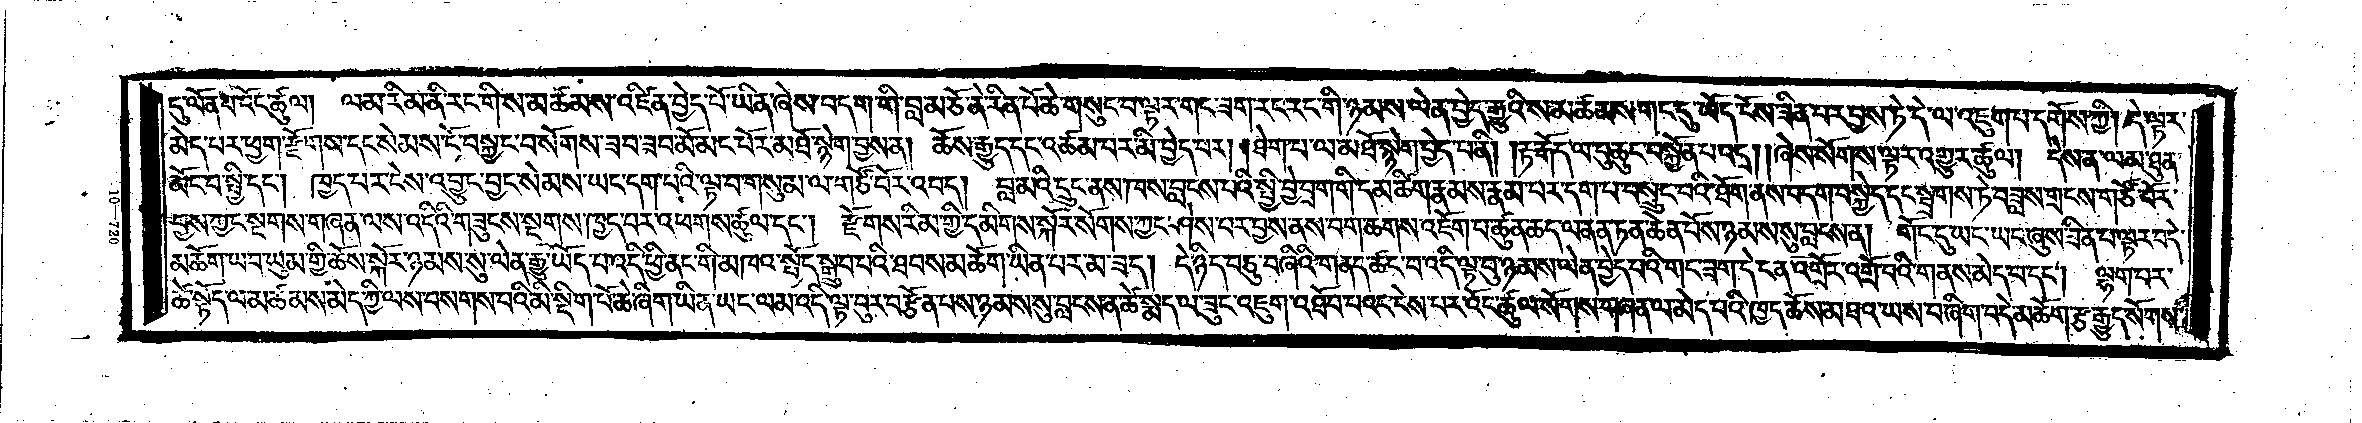དུ་ལོན་པ་འོང་ཚུལ། ལམ་རིམ་ནི་རང་གིས་མཚམས་འཛིན་བྱེད་པོ་ཡིན་ཞེས་བདག་གི་བླ་མ་ཅོ་ནེ་རིན་པོ་ཆེ་གསུང་བ་ལྟར་གང་ཟག་རང་རང་གི་ཉམས་ལེན་བྱེད་རྒྱུའི་ས་མཚམས་གང་དུ་ཡོད་ངོས་ཟིན་པར་བྱས་ཏེ་དེ་ལ་འཇུག་པ་དགོས་ཀྱི། དེ་ལྟར་
མེད་པར་ཕྱག་རྫོགས་དང་སེམས་ངོ་བསྐྱང་པ་སོགས་ཟབ་ཟབ་མོ་མང་པོར་མཐོ་སྙེག་བྱས་ན། །ཆོས་རྒྱུད་དང་འཚམ་པར་མི་བྱེད་པར། །ཐེག་པ་ལ་མཐོ་སྙེག་བྱེད་པ་ནི། །རྟ་རྒོད་ལ་བུ་ཆུང་བསྐྱོན་པ་འདྲ། །ཞེས་སོགས་ལྟར་འགྱུར་ཚུལ། དེས་ན་ལམ་ཐུན་
མོང་བ་སྤྱི་དང་། ཁྱད་པར་ངེས་འབྱུང་བྱང་སེམས་ཡང་དག་པའི་ལྟ་བ་གསུམ་ལ་གཙོ་བོར་འབད། བླ་མའི་དྲུང་ནས་ཁས་བླངས་པའི་སྤྱི་བྱེ་བྲག་གི་དམ་ཚིག་རྣམས་རྣམ་པར་དག་པ་བསྲུང་བའི་ཐོག་ནས་བདག་བསྐྱེད་དང་སྦྲགས་ཏེ་བཟླས་གྲངས་གཙོ་བོར་
བྱས་ཀྱང་སྔགས་གཞན་ལས་འདིའི་གཟུངས་སྔགས་ཁྱད་པར་འཕགས་ཚུལ་དང་། རྫོགས་རིམ་གྱི་དམིགས་སྐོར་སོགས་ཀྱང་ཤེས་པར་བྱས་ནས་བག་ཆགས་འཇོག་པ་ཚུན་ཆད་ལ་ནན་ཏན་ཆེན་པོས་ཉམས་སུ་བླངས་ན། གོང་དུ་ཡང་ཡང་ཞུས་ཟིན་བལྟར་བདེ་
མཆོག་ཡབ་ཡུམ་གྱི་ཆོས་སྐོར་ཉམས་སུ་ལེན་རྒྱུ་ཡོད་པ་འདི་ཕྱི་ནང་གི་མཁའ་སྦྱོང་སྒྲུབ་པའི་ཐབས་མཆོག་ཡིན་པར་མ་ཟད། དེ་ཉིད་བཅུ་བཞིའི་གནད་ཚང་བ་འདི་ལྟ་བུ་ཉམས་ལེན་བྱེད་པའི་གང་ཟག་དེ་ངན་འགྲོར་འགྲོ་བའི་གནས་མེད་པ་དང་། ལྷག་པར་
ཚེ་སྟོད་ལ་མཚམས་མེད་ཀྱི་ལས་བསགས་པའི་མི་སྡིག་པོ་ཆེ་ཞིག་ཡིན་ཡང་ལམ་འདི་ལྟ་བུར་བརྩོན་པས་ཉམས་སུ་བླངས་ན་ཚེ་སྨད་ལ་ཟུང་འཇུག་འཐོབ་པའང་ངེས་པར་འོང་ཚུལ་སོགས་གཞན་ལ་མེད་པའི་ཁྱད་ཆོས་མཐའ་ཡས་པ་ཞིག་བདེ་མཆོག་རྩ་རྒྱུད་སོགས་